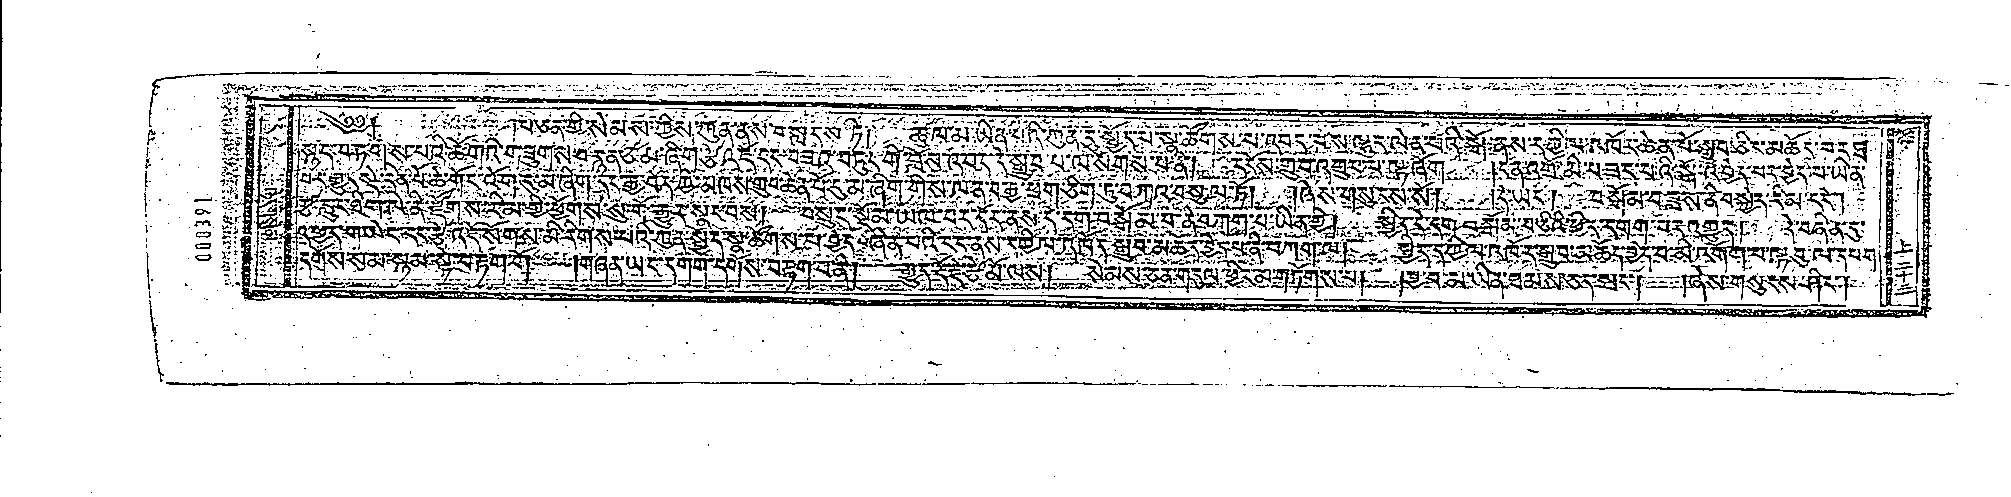༄༅། །པ་ཅན་གྱི་སེམས་ཀྱིས་ཀུན་ནས་བསླངས་ཏེ། ཚུལ་མ་ཡིན་པའི་ཀུན་དུ་སྦྱོད་པ་སྣ་ཚོགས་པ་འབར་པས་ལྷུར་ལེན་པའི་སྒོ་ནས་དཀྱིལ་འཁོར་ཆེན་པོ་སྒྲུབ་ཅིང་མཆོད་བར་ཐ་
སྙད་བཏགས་པའི་ཆོ་གའི་གཟུགས་བརྙན་ཙམ་ཞིག་རྩེ་འཇོ་དང་བཟའ་བཏུང་གི་བློས་འབད་དེ་སྒྲུབ་པ་ལ་སོགས་པ་ནི། དངོས་གྲུབ་འགྲུབ་པ་ལྟ་ཞོག །ངན་འགྲོ་མི་བཟད་པའི་སྒོ་འབྱེད་པར་བྱེད་པ་ཡིན་
བར་རྒྱུད་སྡེ་རིན་པོ་ཆེ་གོང་འོག་དུ་མ་ཞིག་དང་རྒྱ་བོད་ཀྱི་མཁས་གྲུབ་ཆེན་པོ་དུ་མ་ཞིག་གིས་ལན་བརྒྱ་ཕྲག་ཅིག་ཏུ་བཀའ་བསྩལ་ཏོ། །ཞེས་གསུངས་སོ། །དེ་ཡང་། བསྒོམ་བཟླས་ནི་བསྐྱེད་རིམ་དང་།
རྩ་རླུང་ཐིག་ལེ་ནི་རྫོགས་རིམ་གྱི་ཕྱོགས་སུ་གོ་རྒྱུར་སྣང་བས། བསྲུང་སྡོམ་ཡལ་བར་དོར་ནས་དེ་དག་བསྒོམ་པ་ནི་བཀག་པ་ཡིན་གྱི། སྦྱིར་དེ་དག་བསྒོམ་པ་ཅིའི་ཕྱིར་དགག་པར་འགྱུར། དེ་བཞིན་དུ་
འཕྱད་གཡེང་དང་རྩེ་འཇོ་སོགས་མི་རིགས་པའི་ཀུན་སྤྱོད་སྣ་ཚོགས་པ་བྱེད་བཞིན་པའི་ངང་ནས་དཀྱིལ་འཁོར་སྒྲུབ་མཆོད་བྱེད་པ་ནི་བཀག་ལ། སྤྱིར་དཀྱིལ་འཁོར་སྒྲུབ་མཆོད་བྱེད་བ་མི་འགོག་པ་ལྟ་བུ་ལ་དཔག་
དགོས་སམ་སྙམ་སྟེ་བརྟག་གོ །གཞན་ཡང་དགག་དགོས་བརྟག་པ་ནི། རྒྱུད་རྡོ་རྗེ་རྩེ་མོ་ལས། སེམས་ཅན་གདུལ་ཕྱིར་མ་གཏོགས་པ། །བྱ་བ་མ་ཡིན་ཐམས་ཅད་སྤང་། །ཞེས་གསུངས་ཤིང་།